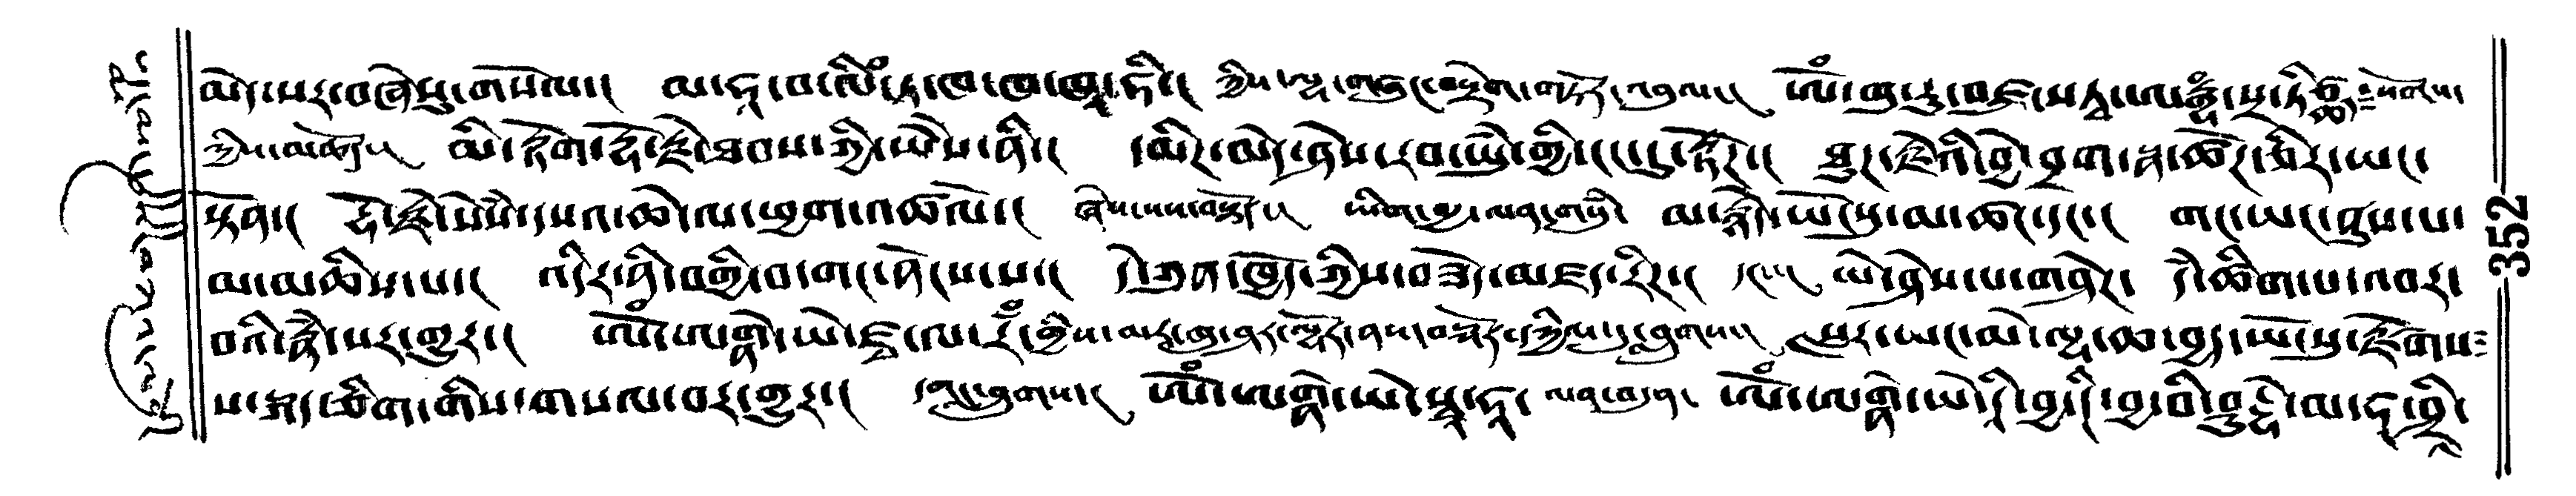མེད་པར་བཞེས་སུ་གསོལ། མ་ཧཱ་བ་ལིཾ་ཏ་ཁ་ཁ་ཁཱ་ཧི། ལྷ་གཞུང་བསྲེག་གཏོར་འབུལ། ཨོཾ་གུ་རུ་བཛྲ་སཏྭ་ཨརྒྷཾ་པྲ་ཏིཙྪ་སོགས་
ཀྱིས་མཆོད། མི་རྟོག་རྡོ་རྗེ་ཐབས་ཀྱི་ཡེ་ཤེས་ནི། །དམིགས་མེད་ཤེས་རབ་ཡུམ་གྱི་ངང་དུ་རྟོགས། །ཐུགས་རྗེའི་བྱེ་བྲག་སྣ་ཚོགས་ཅིར་ཡང་
སྟོན། །རྡོ་རྗེ་སེམས་དཔའ་ཆེ་ལ་ཕྱག་འཚལ་ལོ། ཞེས་པས་བསྟོད། ཡིག་བརྒྱ་ལན་གསུམ། མ་རྙེད་ཡོངས་སུ་མ་ཚང་དང་། །གང་ཡང་ནུས་པ་
མ་མཆིས་པས། །འདིར་ནི་བགྱི་བ་གང་ནོངས་པ། །དེ་ཀུན་ཁྱོད་ཀྱིས་བཟོད་མཛད་རིགས། དང་། ཡེ་ཤེས་པ་གཤེགས།དམ་ཚིག་པ་འབར་
བའི་རྣམ་པར་གྱུར། ཨོཾ་ཨགྣེ་ཡེ་ཛྭ་ལ་རྃ་གྱིས་མར་ཁུ་ཤར་ལྷོ་ནས་བསྐོར་ཏེ་དཀྱིལ་དུ་བླུགས། སླར་ཡང་མེ་ལྷ་ཆ་བྱད་ཡོངས་སུ་རྫོགས་
པ་སྐད་ཅིག་གིས་གསལ་བར་གྱུར། དགང་བླུགས། ཨོཾ་ཨགྣེ་ཡེ་སྭཱ་ཧཱ། ལན་བདུན། ཨོཾ་ཨགྣེ་ཡེ་དཱི་བྱ་དཱི་བྱ་བི་ཤུདྡྷེ་མ་ཧཱ་ཤྲཱི་